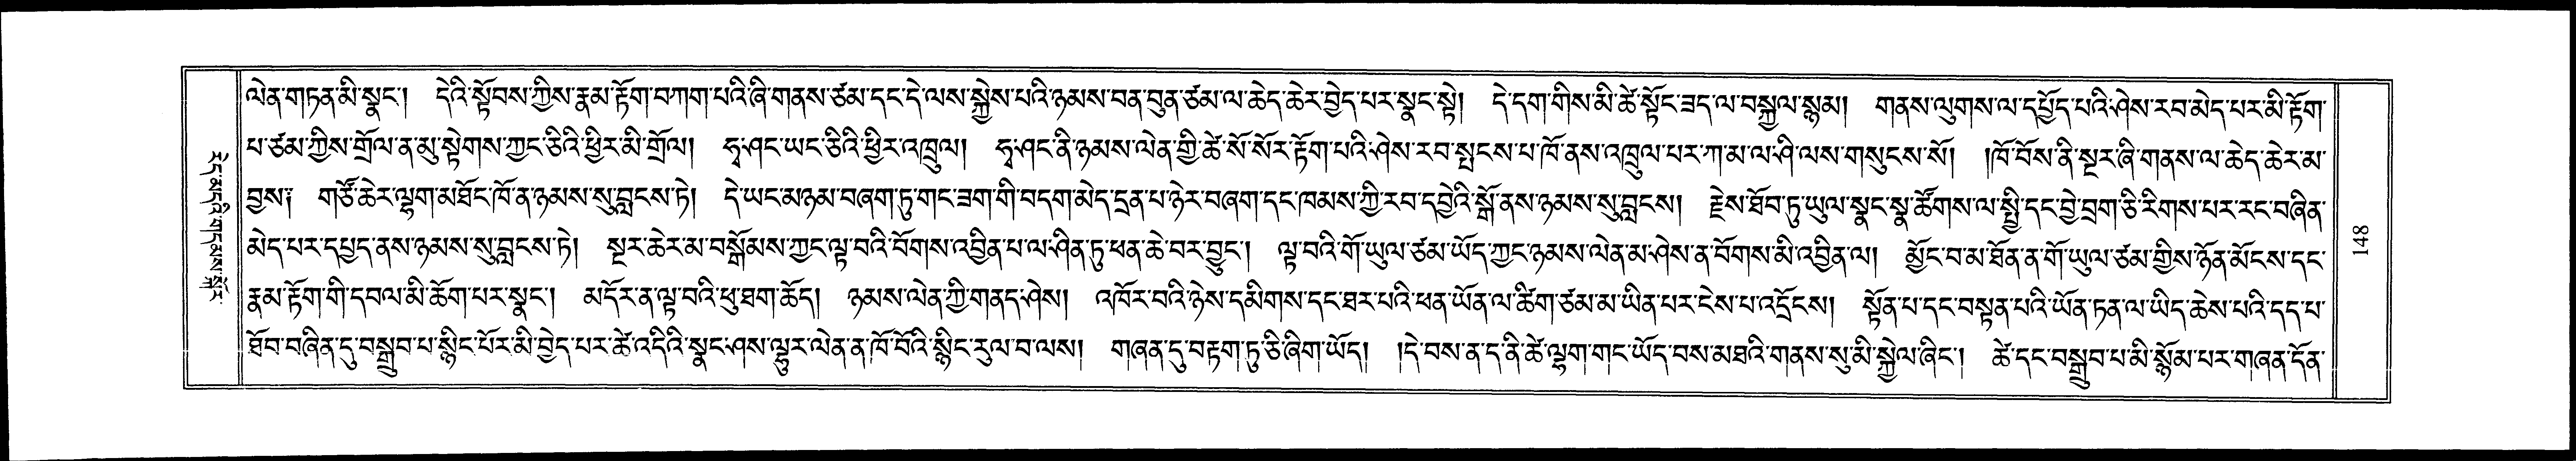ལེན་གཏན་མི་སྣང་། དེའི་སྟོབས་ཀྱིས་རྣམ་རྟོག་བཀག་པའི་ཞི་གནས་ཙམ་དང་དེ་ལས་སྐྱེས་པའི་ཉམས་བན་བུན་ཙམ་ལ་ཆེད་ཆེར་བྱེད་པར་སྣང་སྟེ། དེ་དག་གིས་མི་ཚེ་སྟོང་ཟད་ལ་བསྐྱལ་སྙམ། གནས་ལུགས་ལ་དཔྱོད་པའི་ཤེས་རབ་མེད་པར་མི་རྟོག་
པ་ཙམ་ཀྱིས་གྲོལ་ན་མུ་སྟེགས་ཀྱང་ཅིའི་ཕྱིར་མི་གྲོལ། ཧྭ་ཤང་ཡང་ཅིའི་ཕྱིར་འཁྲུལ། ཧྭ་ཤང་ནི་ཉམས་ལེན་གྱི་ཚེ་སོ་སོར་རྟོག་པའི་ཤེས་རབ་སྤངས་པ་ཁོ་ནས་འཁྲུལ་པར་ཀ་མ་ལ་ཤི་ལས་གསུངས་སོ། །ཁོ་བོས་ནི་སྔར་ཞི་གནས་ལ་ཆེད་ཆེར་མ་
བྱས། གཙོ་ཆེར་ལྷག་མཐོང་ཁོ་ན་ཉམས་སུ་བླངས་ཏེ། དེ་ཡང་མཉམ་བཞག་ཏུ་གང་ཟག་གི་བདག་མེད་དྲན་པ་ཉེར་བཞག་དང་ཁམས་ཀྱི་རབ་དབྱེའི་སྒོ་ནས་ཉམས་སུ་བླངས། རྗེས་ཐོབ་ཏུ་ཡུལ་སྣང་སྣ་ཚོགས་ལ་སྤྱི་དང་བྱེ་བྲག་ཅི་རིགས་པར་རང་བཞིན་
མེད་པར་དཔྱད་ནས་ཉམས་སུ་བླངས་ཏེ། སྔར་ཆེར་མ་བསྒོམས་ཀྱང་ལྟ་བའི་བོགས་འབྱིན་པ་ལ་ཤིན་ཏུ་ཕན་ཆེ་བར་བྱུང་། ལྟ་བའི་གོ་ཡུལ་ཙམ་ཡོད་ཀྱང་ཉམས་ལེན་མ་ཤེས་ན་བོགས་མི་འབྱིན་ལ། མྱོང་བ་མ་ཐོན་ན་གོ་ཡུལ་ཙམ་གྱིས་ཉོན་མོངས་དང་
རྣམ་རྟོག་གི་དབལ་མི་ཆོག་པར་སྣང་། མདོར་ན་ལྟ་བའི་ཕུ་ཐག་ཆོད། ཉམས་ལེན་ཀྱི་གནད་ཤད། འཁོར་བའི་ཉེས་དམིགས་དང་ཐར་བའི་ཕན་ཡོན་ལ་ཚིག་ཙམ་མ་ཡིན་པར་ངེས་པ་འདྲོངས། སྟོན་པ་དང་བསྟན་པའི་ཡོན་ཏན་ལ་ཡིད་ཆེས་པའི་དད་པ་
ཐོབ་བཞིན་དུ་བསྒྲུབ་པ་སྙིང་པོར་མི་བྱེད་པར་ཚེ་འདིའི་སྣང་ཤས་ལྷུར་ལེན་ན་ཁོ་བོའི་སྙིང་རུལ་བ་ལས། གཞན་དུ་བརྟག་ཏུ་ཅི་ཞིག་ཡོད། །དེ་བས་ན་ད་ནི་ཚེ་ལྷག་གང་ཡོད་བས་མཐའི་གནས་སུ་མི་སྐྱེལ་ཞིང་། ཚེ་དང་བསྒྲུབ་པ་མི་སྙོམ་པར་གཞན་དོན་